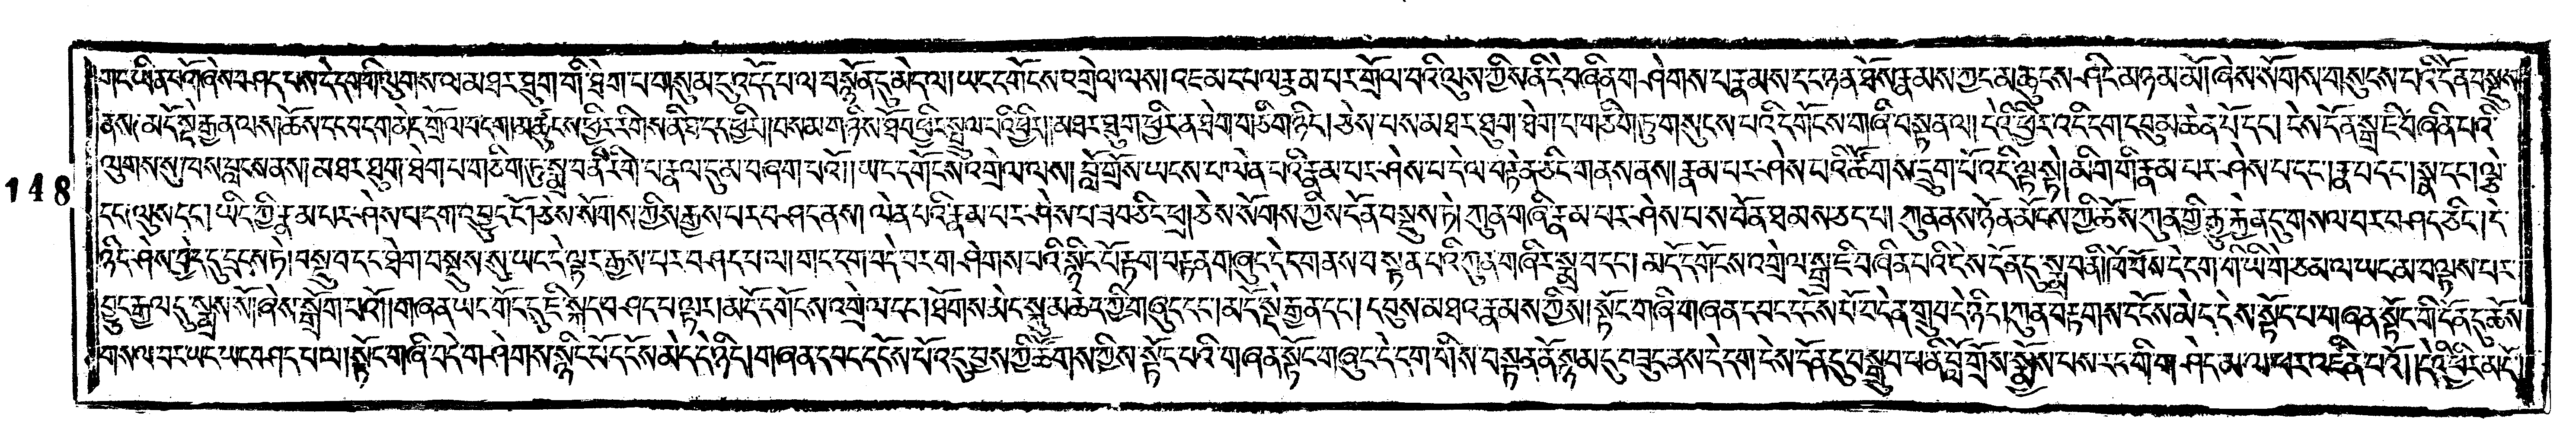གང་ཡིན་པའོ། ཞེས་བཤད་པས་དེ་དག་གི་ལུགས་ལ་མཐར་ཐུག་གི་ཐེག་པ་གསུམ་དུ་འདོད་པ་ལ་བསྙོན་དུ་མེད་ལ། ཡང་དགོངས་འགྲེལ་ལས། འཇམ་དཔལ་རྣམ་པར་གྲོལ་བའི་ལུས་ཀྱིས་ནི་དེ་བཞིན་གཤེགས་པ་རྣམས་དང་ཉན་ཐོས་རྣམས་ཀྱང་མཆུངས་ཤིང་མཉམ་མོ། ཞེས་སོགས་གསུངས་པའི་དོན་བསྡུས་
ནས༑ མདོ་སྡེ་རྒྱན་ལས། ཆོས་དང་བདག་མེད་གྲོལ་བདག། མཚུངས་ཕྱིར་རིགས་ནི་ཐ་དད་ཕྱིར། །བསམ་གཉིས་ཐོབ་ཕྱིར་སྤྲུལ་པའི་ཕྱིར། །མཐར་ཐུག་ཕྱིར་ན་ཐེག་གཅིག་ཉིད། ཅེས་པས་མཐར་ཐུག་ཐེག་པ་གཅིག་ཏུ་གསུངས་པའི་དགོངས་གཞི་བསྟན་ལ། དེའི་ཕྱིར་འདི་དག་དབུ་མ་ཆེན་པོ་དང་། ངེས་དོན་སྒྲ་ཇི་བཞིན་པའི་
ལུགས་སུ་ཁས་བླངས་ནས། མཐར་ཐུག་ཐེག་པ་གཅིག་ཏུ་སྨྲ་བ་ནི་རིག་པ་རྣལ་དུ་མ་བཞག་པའོ། །ཡང་དགོངས་འགྲེལ་ལས། བློ་གྲོས་ཡངས་པ་ལེན་པའི་རྣམ་པར་ཤེས་པ་དེ་ལ་བརྟེན་ཅིང་གནས་ནས། རྣམ་པར་ཤེས་པའི་ཚོགས་དྲུག་པོ་འདི་ལྟ་སྟེ། མིག་གི་རྣམ་པར་ཤེས་པ་དང་། རྣ་བ་དང་། སྣ་དང་། ལྕེ་
དང༑ ལུས་དང་། ཡིད་ཀྱི་རྣམ་པར་ཤེས་པ་དག་འབྱུང་ངོ། ཅེས་སོགས་ཀྱིས་རྒྱས་པར་བཤད་ནས། ལེན་པའི་རྣམ་པར་ཤེས་པ་ཟབ་ཅིང་ཕྲ། ཅེས་སོགས་ཀྱིས་དོན་བསྡུས་ཏེ། ཀུན་གཞི་རྣམ་པར་ཤེས་པ་ས་བོན་ཐམས་ཅད་པ། ཀུན་ནས་ཉོན་མོངས་ཀྱི་ཆོས་ཀུན་གྱི་རྒྱུ་རྐྱེན་དུ་གསལ་བར་བཤད་ཅིང་། དེ་
ཉིད་ཤེས་བྱེད་དུ་དྲངས་ཏེ། བསྡུ་བ་དང་ཐེག་བསྡུས་སུ་ཡང་དེ་ལྟར་རྒྱས་པར་བཤད་པ་ལ། གང་དག་བདེ་བར་གཤེགས་པའི་སྙིང་པོ་རྟག་བརྟན་གཞུང་དེ་དག་ནས་བསྟན་པའི་ཀུན་གཞིར་སྨྲ་བ་དང་། མདོ་དགོངས་འགྲེལ་སྒྲ་ཇི་བཞིན་པའི་ངེས་དོན་དུ་སྨྲ་བ་ནི། ཁོ་བོས་དེ་དག་གི་ཡི་གེ་ཅམ་ལ་ཡང་མ་བལྟས་པར་
བྱུང་རྒྱལ་དུ་སྨྲས་སོ། ཞེས་སྒྲོག་པའོ། །གཞན་ཡང་གོང་དུ་ཇི་སྐད་བཤད་པ་ལྟར། མདོ་དགོངས་འགྲེལ་དང་། ཐོགས་མེད་སྐུ་མཆེད་ཀྱི་གཞུང་དང་། མདོ་སྡེ་རྒྱན་དང་། དབུས་མཐའ་རྣམས་ཀྱིས། སྟོང་གཞི་གཞན་དབང་དངོས་པོ་བདེན་གྲུབ་དེ་ཉིད། ཀུན་བརྟགས་དངོས་མེད་དེས་སྟོང་པ་གཞན་སྟོང་གི་དོན་དུ་ཆོས་
གསལ་བར་ཡང་ཡང་བཤད་པ་ལ། སྟོང་གཞི་བདེ་གཤེགས་སྙིང་པོ་དངོས་མེད་དེ་ཉིད། གཞན་དབང་དངོས་པོ་འདུ་བྱས་ཀྱི་ཚོགས་ཀྱིས་སྟོང་པའི་གཞན་སྟོང་གཞུང་དེ་དག་གིས་བསྟན་ནོ་སྙམ་དུ་བཟུང་ནས་དེ་དག་ངེས་དོན་དུ་བསྒྲུབ་པ་ནི་བློ་གྲོས་སྨྱོས་པས་རང་གི་གཤེད་མ་ལ་ཕར་འཛིན་པའོ། །དེའི་ཕྱིར་མདོ་